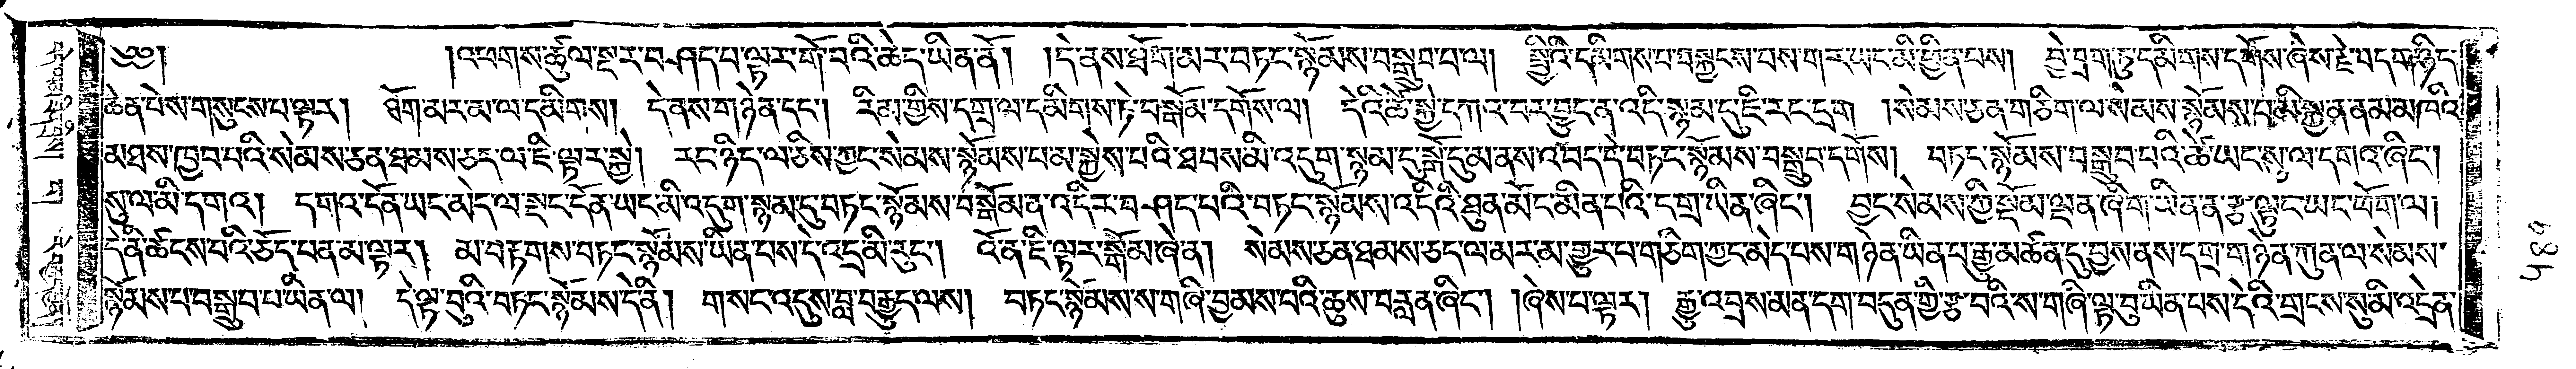༄༅། །འཕགས་ཚུལ་སྔར་བཤད་པ་ལྟར་གོ་བའི་ཆེད་ཡིན་ནོ། །དེ་ནས་ཐོག་མར་བཏང་སྙོམས་བསྒྲུབ་པ་ལ། སྤྱིའི་དམིགས་པ་བསྐྱངས་བས་གར་ཡང་མི་ཕྱིན་པས། བྱེ་བྲག་ཏུ་དམིགས་དགོས་ཞེས་རྗེ་བདག་ཉིད་
ཆེན་པོས་གསུངས་པ་ལྟར། ཐོག་མར་མ་ལ་དམིགས། དེ་ནས་གཉེན་དང་། རིམ་གྱིས་དགྲ་ལ་དམིགས་ཏེ་བསྒོམ་དགོས་ལ། དེའི་ཚེ་སྐྱེ་དཀའ་བར་བྱུང་ན་འདི་སྙམ་དུ་ཇི་རང་དྲག །སེམས་ཅན་གཅིག་ལ་སེམས་སྙོམས་པ་མི་སྐྱེ་ན་ནམ་མཁའི་
མཐས་ཁྱབ་པའི་སེམས་ཅན་ཐམས་ཅད་ལ་ཇི་ལྟར་སྐྱེ། རང་ཉིད་ལ་ཅིས་ཀྱང་སེམས་སྙོམས་པ་མ་སྐྱེས་པའི་ཐབས་མི་འདུག་སྙམ་དུ་སྒོ་དུ་མ་ནས་འབད་དེ་བཏང་སྙོམས་བསྒྲུབ་དགོས། བཏང་སྙོམས་བསྒྲུབ་པའི་ཚེ་ཡང་སུ་ལ་དགའ་ཞིང་།
སུ་ལ་མི་དགའ། དགའ་དོན་ཡང་མེད་ལ་སྡང་དོན་ཡང་མི་འདུག་སྙམ་དུ་བཏང་སྙོམས་བསྒོམ་ན་འདིར་བཤད་པའི་བཏང་སྙོམས་འདིའི་ཐུན་མོང་མིན་པའི་དགྲ་ཡིན་ཞིང་། བྱང་སེམས་ཀྱི་སྡོམ་ལྡན་ཞིག་ཡིན་ན་རྩ་ལྟུང་ཡང་ཕོག་ལ།
དེ་ནི་ཚངས་པའི་ཆོད་པན་མ་ལྟར། མ་བརྟགས་བཏང་སྙོམས་ཡིན་པས་དེ་འདྲ་མི་རུང་། འོན་ཇི་ལྟར་སྒོམ་ཞེ་ན། སེམས་ཅན་ཐམས་ཅད་ལ་མར་མ་གྱུར་པ་གཅིག་ཀྱང་མེད་པས་གཉེན་ཡིན་པ་རྒྱུ་མཚན་དུ་བྱས་ནས་དགྲ་གཉེན་ཀུན་ལ་སེམས་
སྙོམས་པ་བསྒྲུབ་པ་ཡིན་ལ། དེ་ལྟ་བུའི་བཏང་སྙོམས་དེ་ནི། གསང་འདུས་བླ་བརྒྱུད་ལས། བཏང་སྙོམས་ས་གཞི་བྱམས་པའི་ཆུས་བརླན་ཞིང་། །ཞེས་པ་ལྟར། རྒྱུ་འབྲས་མན་དག་བདུན་གྱི་རྩ་བའི་ས་གཞི་ལྟ་བུ་ཡིན་པས་དེའི་གྲངས་སུ་མི་འདྲེན་